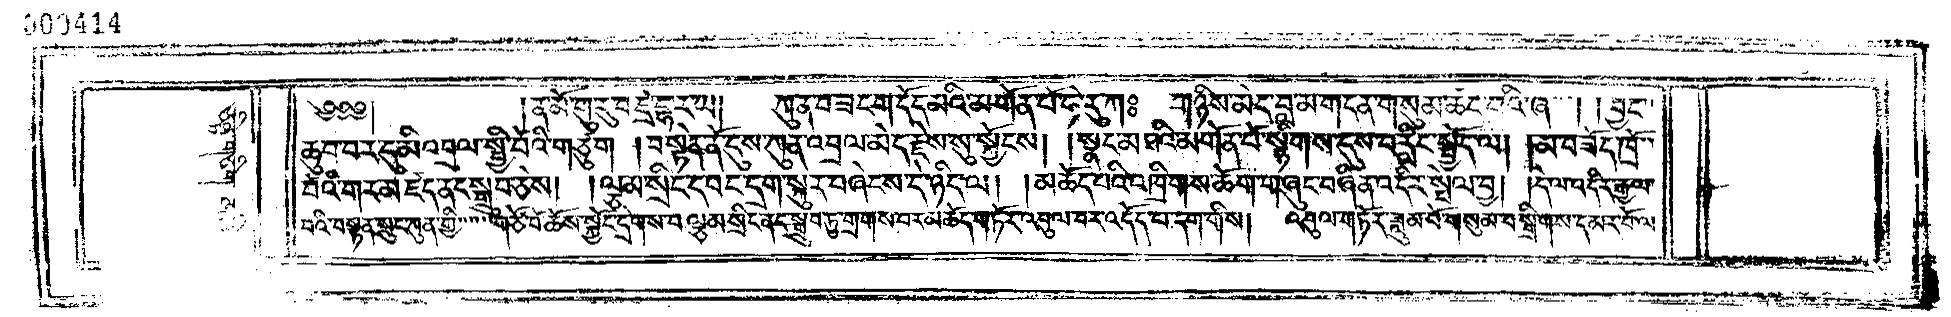༄༅༅། །ན་མོ་གུ་རུ་བཛྲ་དྷ་ར་ཡ། ཀུན་བཟང་གདོད་མའི་མགོན་པོ་ཧེ་རུ་ཀཿ གཉིས་མེད་བླ་མ་གདན་གསུམ་ཚང་བའི་ཞ། །བྱང་
ཆུབ་བར་དུ་མི་འབྲལ་སྤྱི་བོའི་གཙུག །བསྟེན་ནོ་དུས་ཀུན་འབྲལ་མེད་རྗེས་སུ་སྐྱོངས། །སྣང་མཐའི་མགོན་པོ་སྙིགས་དུས་བརླིང་སྤྱོད་ལ། །མ་བཟོད་ཁྲོ་
བའི་གར་མཛད་ནང་སྒྲུབ་ཅེས། །ལྕམ་སྲིང་དབང་དྲག་སྐུར་བཞེངས་དེ་ཉིད་ལ། །མཆོད་པའི་འཁྲིགས་ཆོག་གཞུང་བཞིན་འདིར་སྤེལ་བྱ། །དེ་ལ་འདིར་རྒྱལ་
བའི་བསྟན་སྲུང་ཀུན་གྱི་གཙོ་བོ་ཆོས་སྐྱོང་དྲེགས་པ་ལྕམ་སྲིང་ནང་སྒྲུབ་ཏུ་གྲགས་པར་མཆོད་གཏོར་འབུལ་བར་འདོད་པ་དག་གིས། འབུལ་གཏོར་ཟླུམ་པོ་གསུམ་བསྒྲིགས་དམར་པོ་ལ་